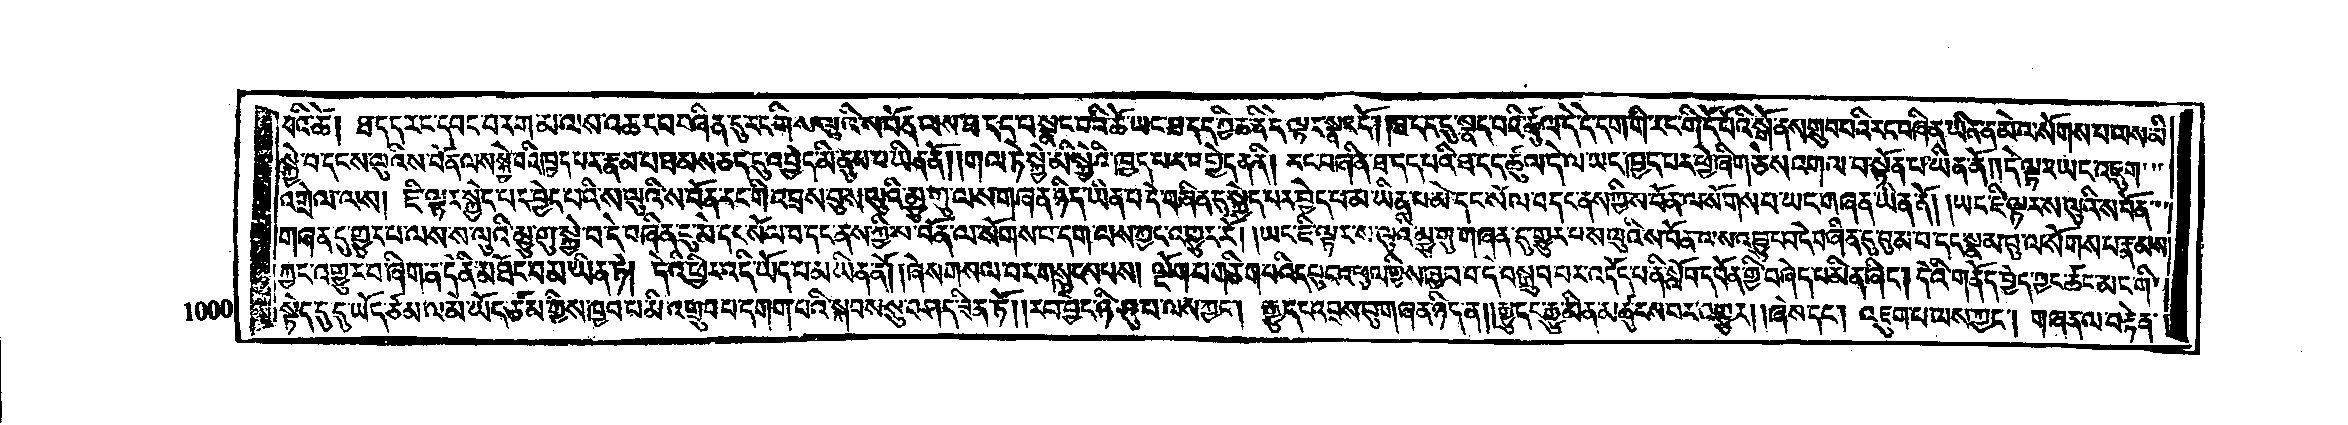བའི་ཚེ། ཐ་དད་རང་དབང་བ་རག་མ་ལས་འཆར་བ་བཞིན་དུ་རང་གིས་ལུའི་ས་བོན་ལས་ཐ་དད་པ་སྣང་བའི་ཚེ་ཡང་ཐ་དད་ཀྱི་ཆ་ནི་དེ་ལྟར་སྣང་ངོ། །ཐ་དད་དུ་སྣང་བའི་ཚུལ་དེ་དེ་དག་གི་རང་གི་ངོ་བོའི་སྒོ་ནས་གྲུབ་པའི་རང་བཞིན་ཡིན་ན་མེ་ལ་སོགས་པ་ལས་མི་
སྐྱེ་བ་དང་ས་ལུའི་ས་བོན་ལས་སྐྱེ་བའི་ཁྱད་པར་རྣམ་པ་ཐམས་ཅད་དུ་འབྱེད་མི་ནུས་པ་ཡིན་ནོ། །གལ་ཏེ་སྐྱེ་མི་སྐྱེའི་ཁྱད་པར་འབྱེད་ན་ནི། རང་བཞིན་ཐ་དད་པའི་ཐ་དད་ཚུལ་དེ་ལ་ཡང་ཁྱད་པར་ཕྱེ་ཞིག་ཅེས་འགལ་བ་སྟོན་པ་ཡིན་ནོ། །དེ་ལྟར་ཡང་འཇུག་
འགྲེལ་ལས། ཇི་ལྟར་སྐྱེད་པར་བྱེད་པའི་ས་ལུའི་ས་བོན་རང་གི་འབྲས་བུ་ས་ལུའི་མྱུ་གུ་ལས་གཞན་ཉིད་ཡིན་པ་དེ་བཞིན་དུ་སྐྱེད་པར་བྱེད་པ་མ་ཡིན་པ་མེ་དང་སོལ་བ་དང་ནས་ཀྱི་ས་བོན་ལ་སོགས་པ་ཡང་གཞན་ཡིན་ནོ། །ཡང་ཇི་ལྟར་ས་ལུའི་ས་བོན་
གཞན་དུ་གྱུར་པ་ལས་ས་ལུའི་མྱུ་གུ་སྐྱེ་བ་དེ་བཞིན་དུ་མེ་དང་སོལ་བ་དང་ནས་ཀྱི་ས་བོན་ལ་སོགས་པ་དག་ལས་ཀྱང་འགྱུར་རོ། །ཡང་ཇི་ལྟར་ས་ལུའི་མྱུ་གུ་གཞན་དུ་གྱུར་པས་ལུའི་ས་བོན་ལས་འབྱུང་བ་དེ་བཞིན་དུ་བུམ་པ་དང་སྣམ་བུ་ལ་སོགས་པ་རྣམས་
ཀྱང་འགྱུར་བ་ཞིག་ན་དེ་ནི་མཐོང་བ་མ་ཡིན་ཏེ། དེའི་ཕྱིར་འདི་ཡོད་པ་མ་ཡིན་ནོ། །ཞེས་གསལ་བར་གསུངས་པས། ལྡོག་པ་གཅིག་པའི་དཔུང་འཕུལ་གྱིས་ཁྱབ་པ་དེ་བསྒྲུབ་པར་འདོད་པ་ནི་སློབ་དཔོན་གྱི་བཞེད་པ་མིན་ཞིང་། དེའི་གནོད་བྱེད་ཀྱང་ཚང་མང་གི་
སྟེང་དུ་དུ་ཡོད་ཙམ་ལ་མེ་ཡོད་ཙམ་གྱིས་ཁྱབ་པ་མི་འགྲུབ་པ་དགག་པའི་སྐབས་སུ་བཤད་ཟིན་ཏོ། །རབ་བྱེད་ཉི་ཤུ་པ་ལས་ཀྱང་། རྒྱུ་དང་འབྲས་བུ་གཞན་ཉིད་ན། །རྒྱུ་དང་རྒྱུ་མིན་མཚུངས་པར་འགྱུར། །ཞེས་དང་། འཇུག་པ་ལས་ཀྱང་། གཞན་ལ་བརྟེན་